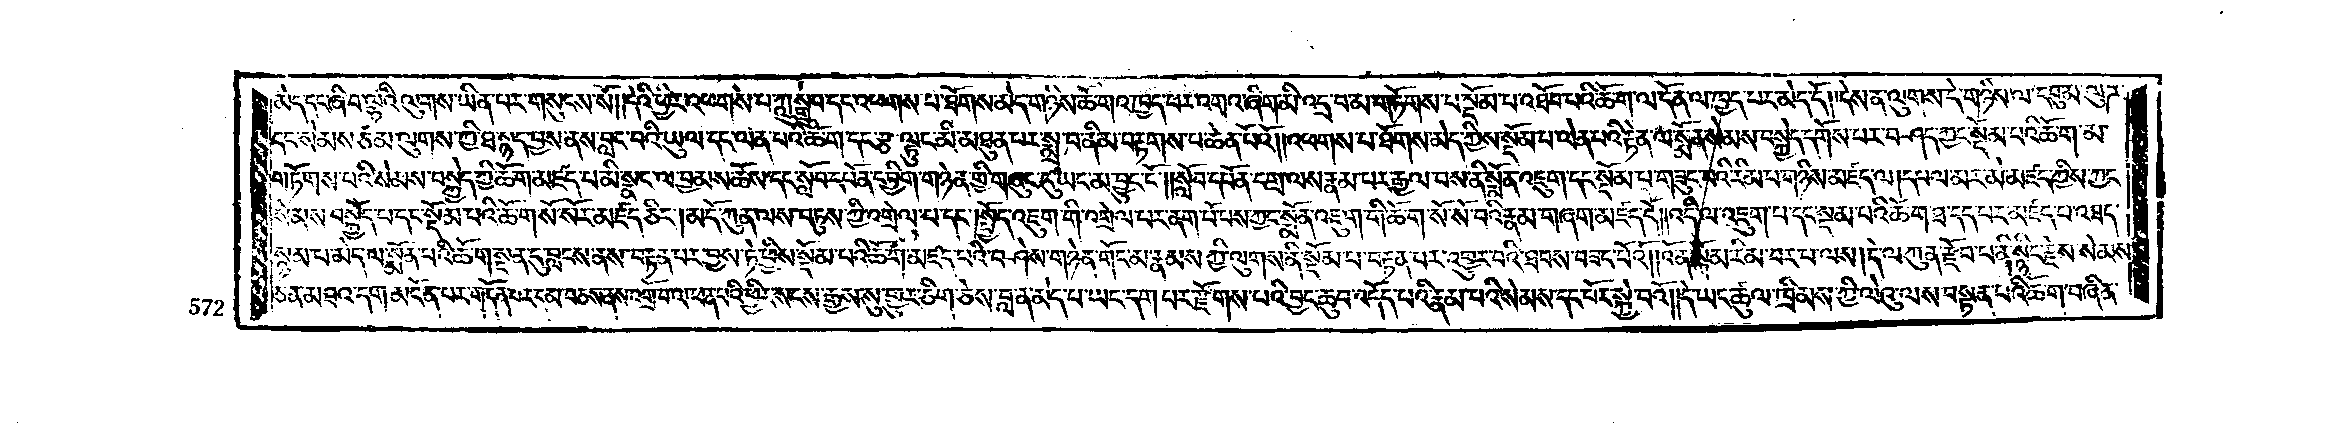མེད་དང་ཞི་བ་ལྷའི་ལུགས་ཡིན་པར་གསུང་སོ། །དེའི་ཕྱིར་འཕགས་པ་ཀླུ་སྒྲུབ་དང་ཐོགས་མེད་གཉིས་ཆོ་གའ་ཁྱད་པར་འགའ་ཞིག་མི་འདྲ་བ་མ་གཏོགས་པ་སྡོམ་པ་འཐོབ་པའི་ཆོ་ག་ལ་དོན་ལ་ཁྱད་པར་མེད་དོ། །དེས་ན་ལུགས་དེ་གཉིས་ལ་དབུ་མ་ལུཌ་
དང་སེམས་ཙམ་ལུགས་ཀྱི་ཐ་སྙད་བྱས་ནས་བླང་བའི་ཡུལ་དང་ལེན་པའི་ཆོ་ག་དང་རྩ་ལྟུང་མི་མཐུན་པར་སྨྲ་བ་ནི་མ་བརྟགས་པ་ཆེན་པོའོ། །འཕགས་པ་ཐོགས་མེད་ཀྱིས་སྡོམ་པ་ལེན་པའི་རྟེན་ལ་སྨོན་སེམས་བསྐྱེད་དགོས་པར་བཤད་ཀྱང་སྡོམ་པའི་ཆོ་ག་མ་
གཏོགས་པའི་སེམས་བསྐྱེད་ཀྱི་ཆོ་ག་མཛད་པ་མི་སྣང་ལ་བྱམས་ཆོས་དང་སློབ་དཔོན་དབྱིག་གཉེན་གྱི་གཞུང་དུ་ཡང་མ་བྱུང་ངོ། །སློབ་དཔོན་དགྲ་ལས་རྣམ་པར་རྒྱལ་བས་ནི་སྨོན་འཇུག་དང་སྡོམ་པ་གཟུང་བའི་རིམ་པ་གཉིས་མཛད་ལ། དཔལ་མར་མེ་མཛད་ཀྱིས་ཀྱང་
སེམས་བསྐྱེད་པ་དང་སྡོམ་པའི་ཆོ་ག་སོ་སོར་མཛད་ཅིང་། མདོ་ཀུན་ལས་བཏུས་ཀྱི་འགྲེལ་པ་དང་། སྤྱོད་འཇུག་གི་འགྲེལ་པར་ནག་པོ་པས་ཀྱང་སྨོན་འཇུག་གི་ཆོ་ག་སོ་སོ་བའི་རྣམ་གཞག་མཛད་དོ། །འདི་ལ་འཇུག་པ་དང་སྡམ་པའི་ཆོ་ག་ཐ་དད་པར་མཛད་པ་འཐད་
སྙམ་པ་མེད་ལ་སྨོན་པའི་ཆོ་ག་སྔོན་དུ་བླངས་ནས་བརྟན་པར་བྱས་ཏེ་ཕྱིས་སྡོམ་པའི་ཆོ་ག་མཛད་པའི་གཤེས་གཉེན་གོང་མ་རྣམས་ཀྱི་ལུགས་ནི་སྡོམ་པ་བརྟན་པར་འགྱུར་པའི་ཐབས་བཟང་པོའོ། ། འོ་ན་སྐོམ་རིམ་བར་པ་ལས། དེ་ལ་ཀུན་རྫོབ་པ་ནི་སྙིང་རྗེས་སེམས་
ཅན་མཐའ་དག་མངོན་པར་གདོན་པར་དམ་བཅས་ནས་འགྲོ་བ་ལ་ཕན་པའི་ཕྱིར་སངས་རྒྱས་སུ་གྱུར་ཅིག་ཅེས་བླ་ན་མེད་པ་ཡང་དག་པར་རྫོགས་པའི་བྱང་ཆུབ་འདོད་པའི་རྣམ་པའི་སེམས་དང་པོར་སྐྱེ་བའོ། །དེ་ཡང་ཚུལ་ཁྲིམས་ཀྱི་ལེའུ་ལས་བརྟན་པའི་ཆོ་ག་བཞི་